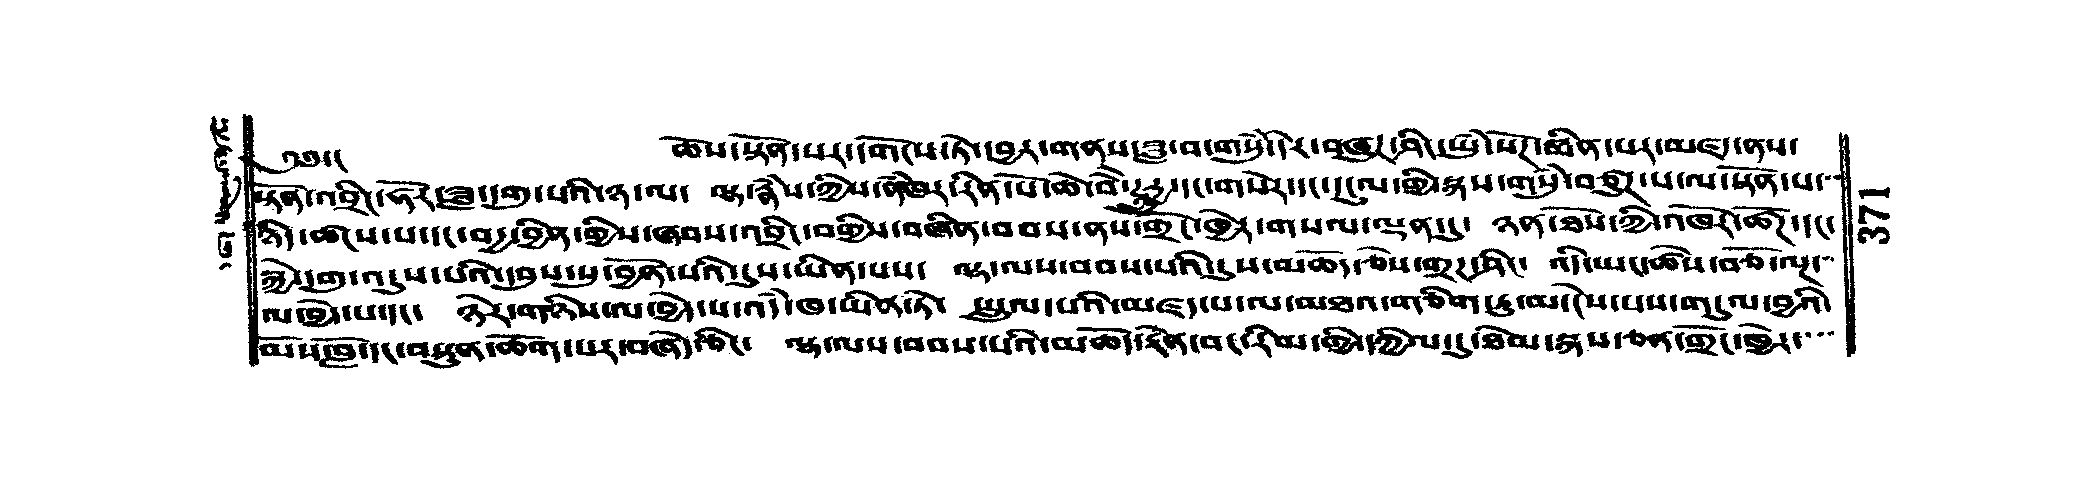ཆོས་སྟོན་པར་དགོངས་ཏེ་དབྱར་གནས་ཟླ་བ་གསུམ་དེར་བཞུགས་ཤིང་ཡུམ་སོགས་སྨིན་པར་མཛད་ནས་
སྟོན་འབྲིང་ཧོར་ཟླ་དགུ་པའི་ཉ་ལ། ལྷ་རྣམས་ཀྱིས་ནམ་མཁར་རིན་པོ་ཆེ་བཻ་ཌཱུརྻ་དང་གསེར་དང་དངུལ་གྱི་སྐས་གསུམ་བཙུགས་པ་ལ་སྟོན་པ་
ཉིད་ཚངས་པ་དང་བརྒྱ་བྱིན་གྱིས་ཞབས་འབྲིང་བགྱིས་བཞིན་བབས་ནས་གྲོང་ཁྱེར་གསལ་ལྡན་དུ། ཉན་ཐོས་ཀྱི་འཁོར་ཚོགས་དང་
སྐྱེ་དགུ་འདུས་པའི་དབུས་སུ་བྱོན་པའི་དུས་ཡིན་པས། ལྷ་ལས་བབས་པའི་དུས་མཆོད་ཅེས་གྲགས་ཤིང་། འདི་ཡང་ཚེས་བཅོ་ལྔ་
ལ་བྱེད་པ་དང་། ཉེར་གཉིས་ལ་བྱེད་པ་འདམ་ཁ་ཡིན་པས། སྤྲུལ་པའི་མཛད་པ་ལ་མཐའ་གཅིག་ཏུ་མ་ངེས་པས་གདུལ་བྱའི་
མོས་བློ་དང་བསྟུན་ཆོག་པར་བཞེད་ཅིང་། ལྷ་ལས་བབས་པའི་མཆོད་རྟེན་བང་རིམ་གྱི་དཀྱིལ་དུ་ཐེམ་སྐས་ཅན་གྲོང་ཁྱེར་